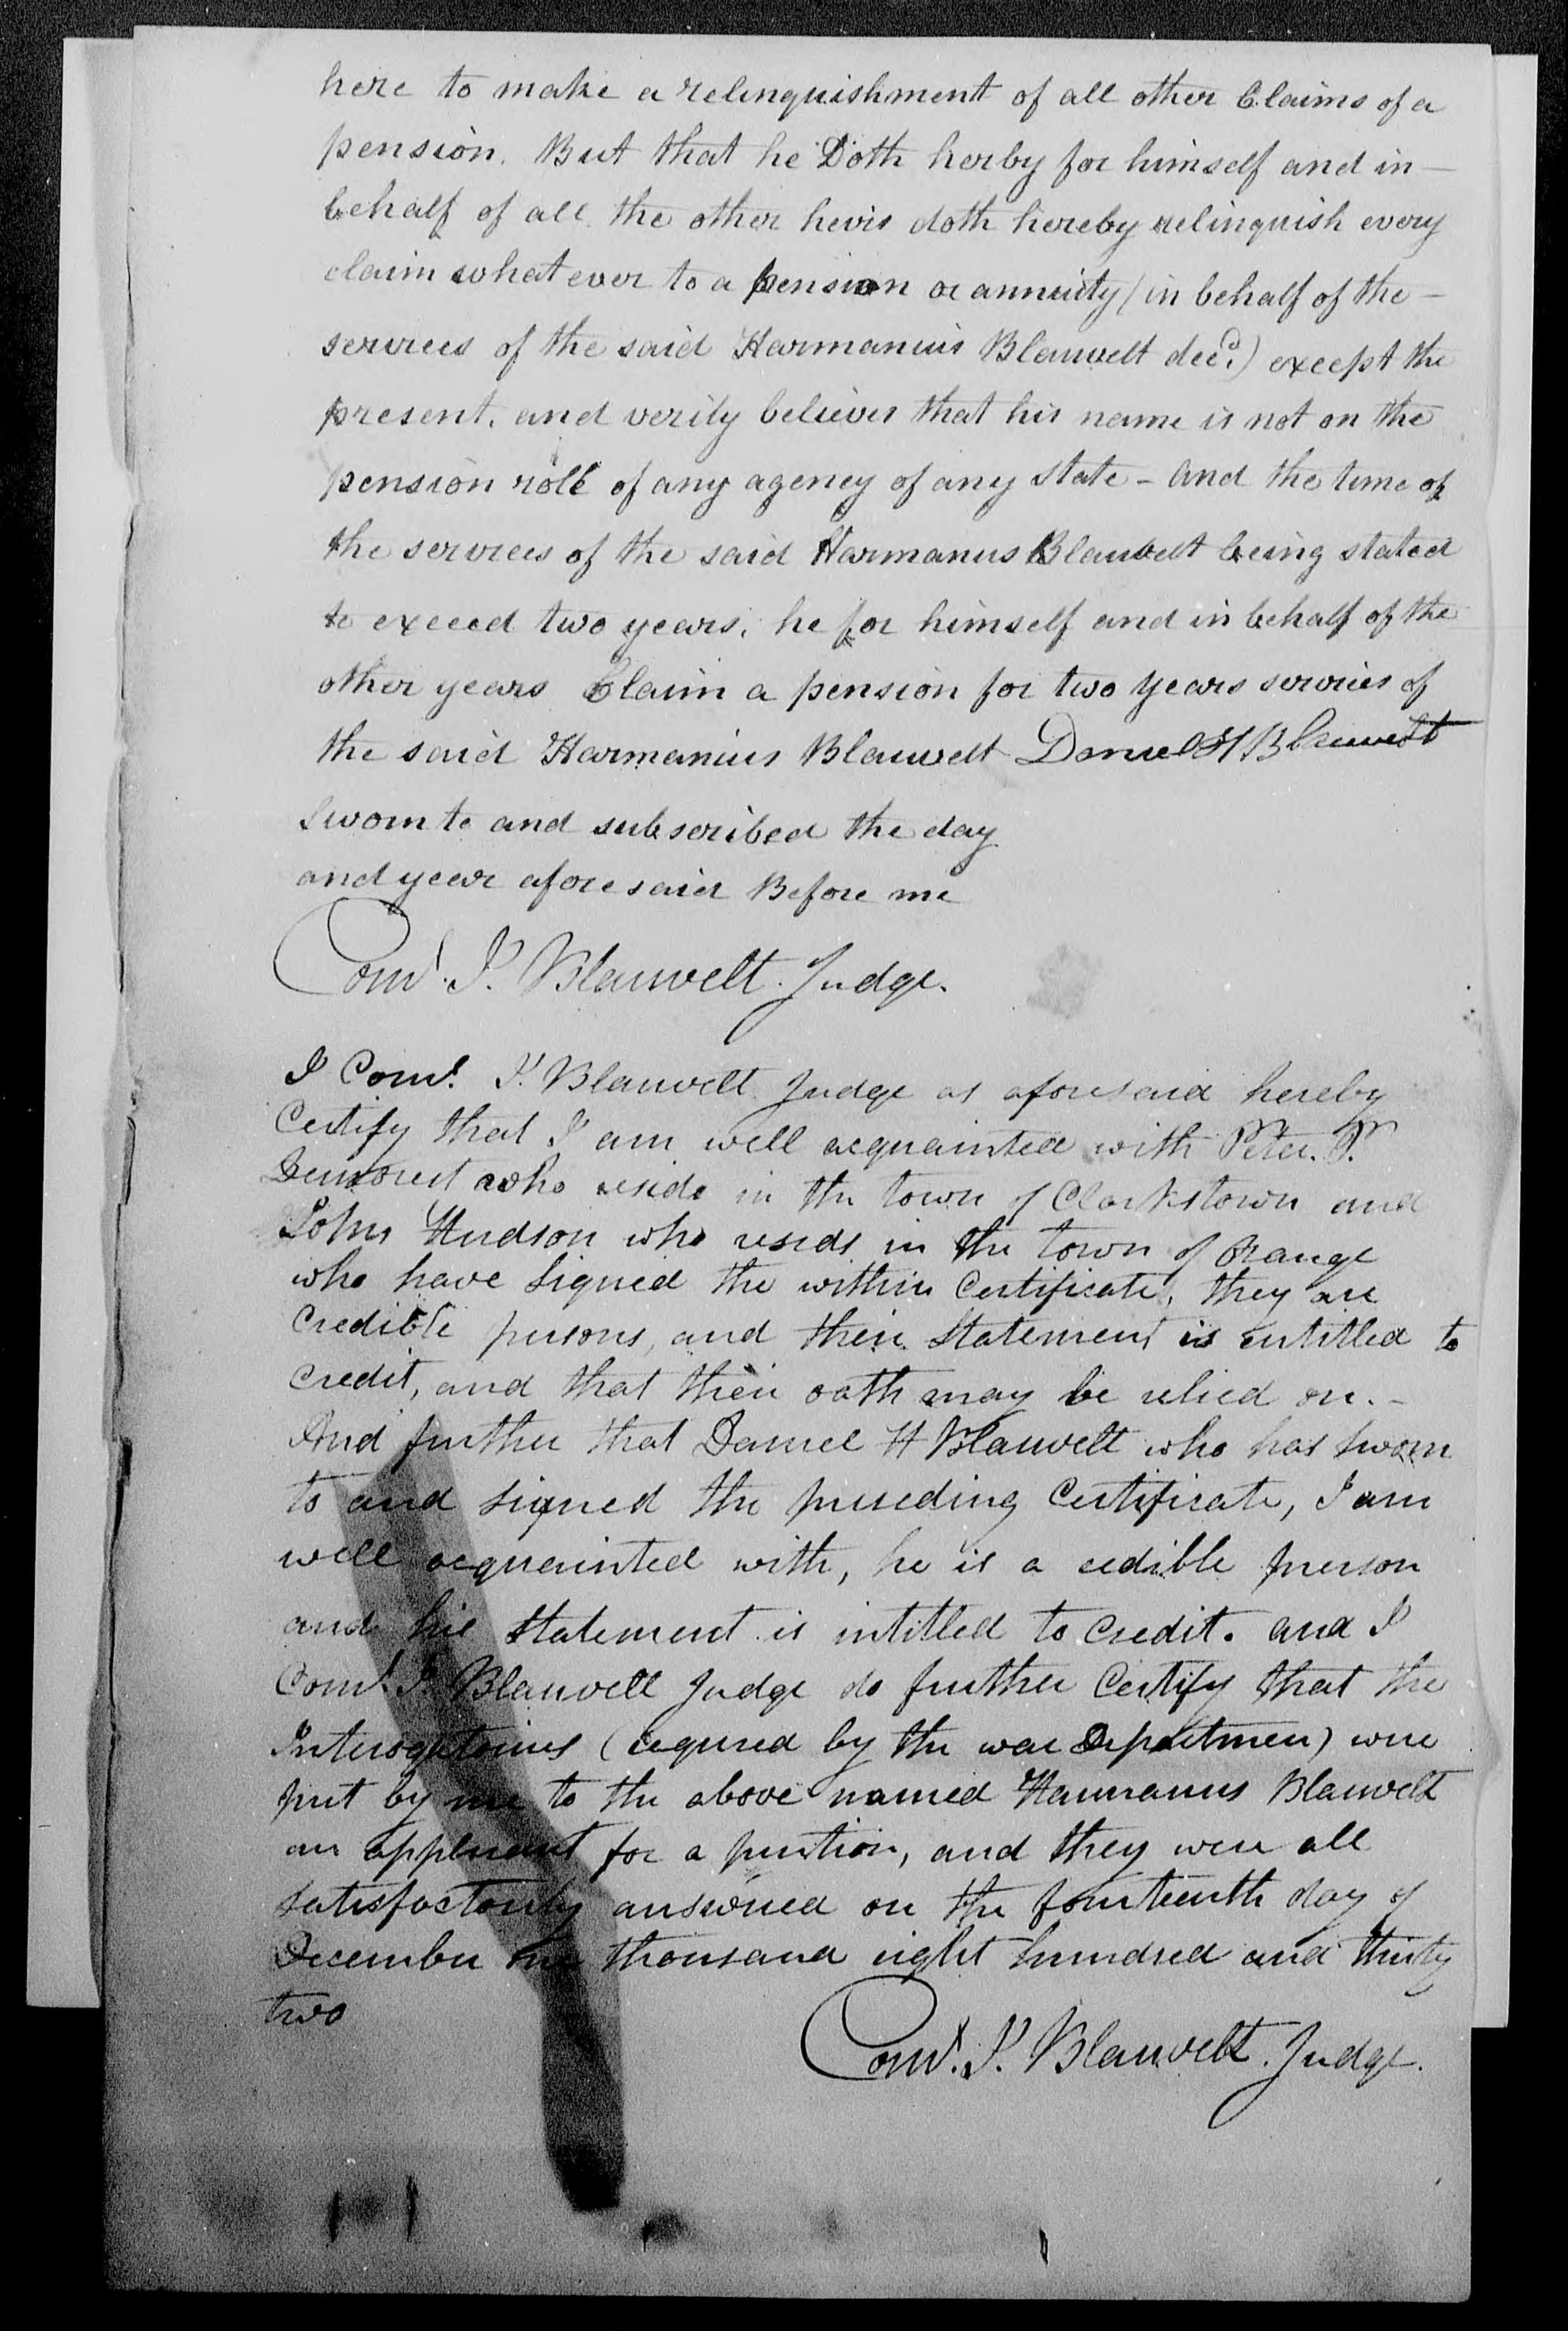here to make a relinquishment of all other claims of a pension. But that he Doth hereby for himself and in behalf of all the other heirs doth hereby relinquish every claim whatever to a pension or annuity, in behalf of the services of the said Harmanius Blauvelt dec'd. except the present, and verily believe that his name is not on the pension roll of any agency of any state - and the time of the services of the said Harmanus Blauvelt being stated to exceed two years, he for himself and in behalf of the other years Claim a pension for two years service of the said Harmanius Blauvelt [signed] Daniel H Blauvelt
Sworn to and subscribed the day and year aforesaid Before me
[signed] Cornl I Blauvelt, Judge.

I Corn'. I. Blauvelt Judge as aforesaid hereby Certify that I am well acquainted with Peter P. Demarest who reside in the town of Clarkstown and John Hudson who resides in the town of Orange who have signed the within Certificate, they are credible persons and their Statement is entitled to credit, and that their oath may be relied on, And further that Daniel H Blauvelt who has sworn to and signed the preceding certificate, I am well acquainted with, he is a credible person and his statement is intitled to credit. and I Cornl I. Blauvelt Judge do further Certify that the interrogatories (required by the war Department) were put by me to the above named Harmanus Blauvelt an applicant for a pension, and they were all satisfactorily answered on the fourteenth day of December one thousand eight hundred and thirty two
[signed] Cornl. I. Blauvelt, Judge.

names: Harmanius Blauvelt, Harmanus Blauvelt, Daniel H Blauvelt, Harmanius Blauvelt, Corns I Blauvelt, Corns I Blauvelt, Harmanus Blauvelt, Corns I Blauvelt, Peter P Demorest, Corns I Blauvelt, John Hudson, Daniel H Blauvelt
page: 27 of 33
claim: survivor's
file: S. 22,653, Harmanus Blauvelt, New York